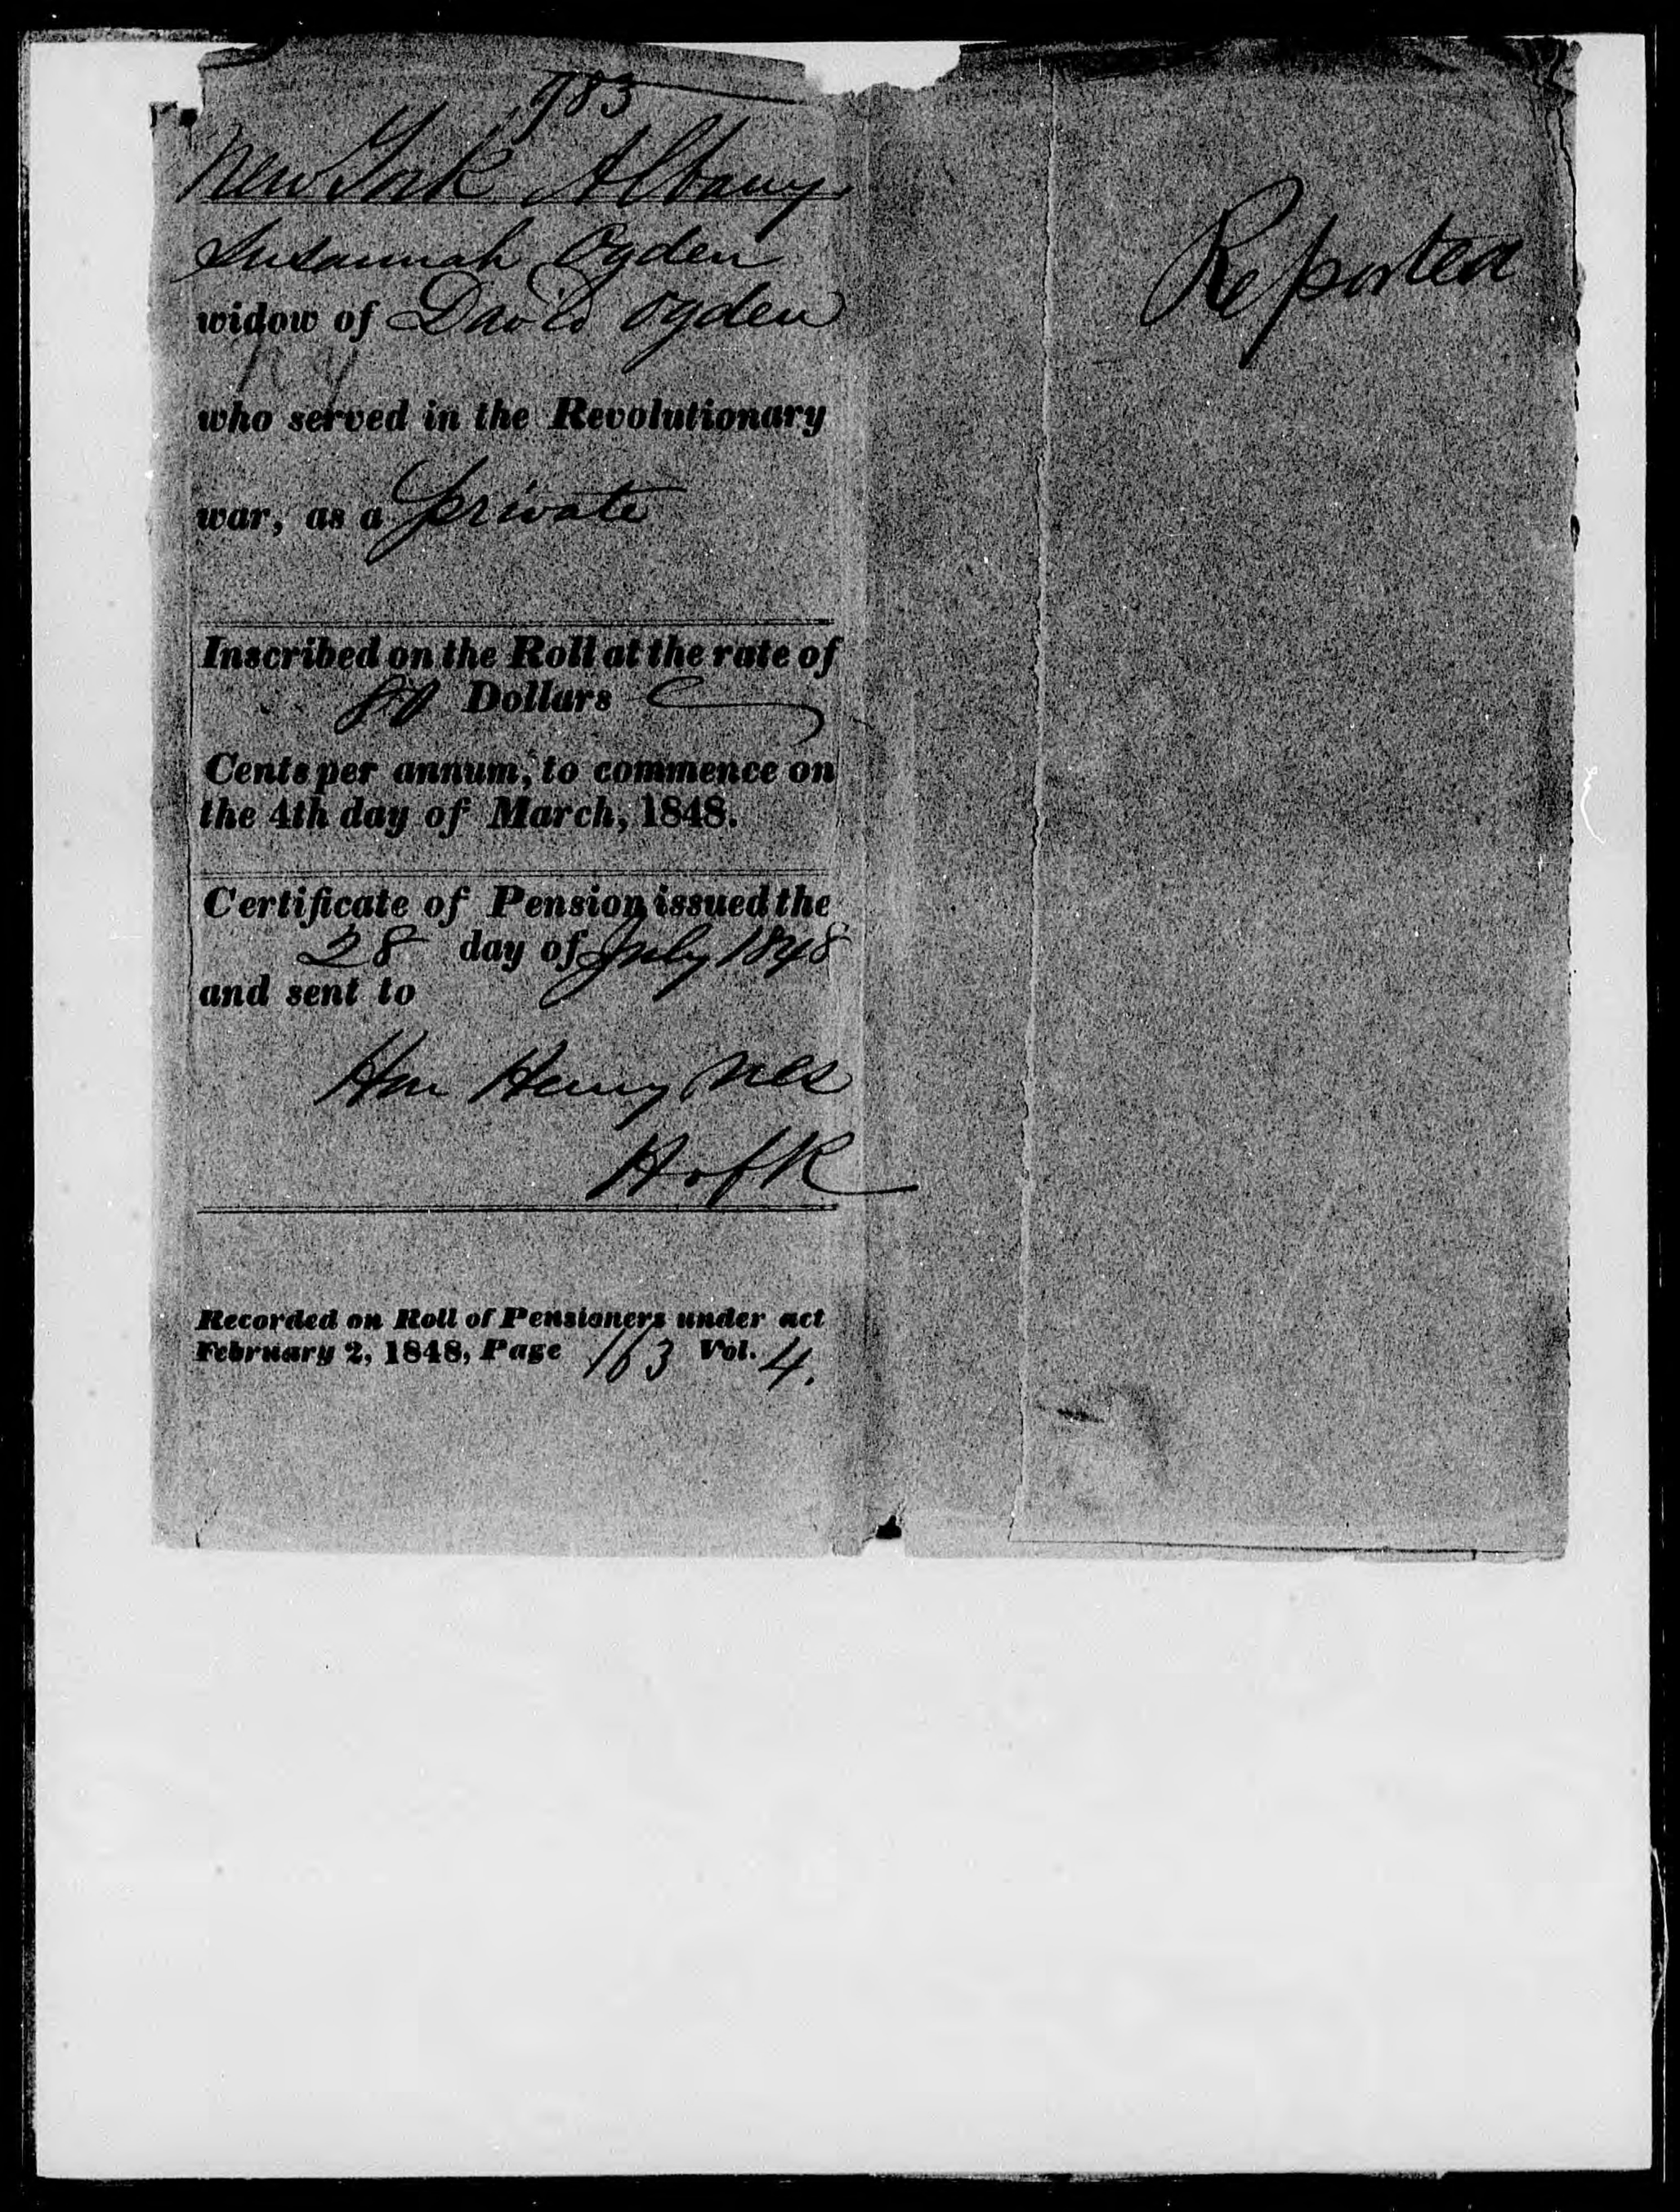983
New York Albany.
Susannah Ogden
widow of David Ogden
NY
who served in the Revolutionary 
war, as a private

Inscribed on the Roll at the rate of
80 Dollars --
Cents per annum, to commence on
the 4th day of March, 1848.

Certificate of Pension issued the
28 day of July 1848
and sent to
Hon Henry Nes
H of R

Recorded on Roll of Pensioners under act
February 2, 1848, Page 163 Vol. 4.

[on the right side of the page] Reported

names: Susannah Ogden; David Ogden; Henry Nes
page: 3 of 40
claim: widow's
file: W. 24364, for David Ogden, New York